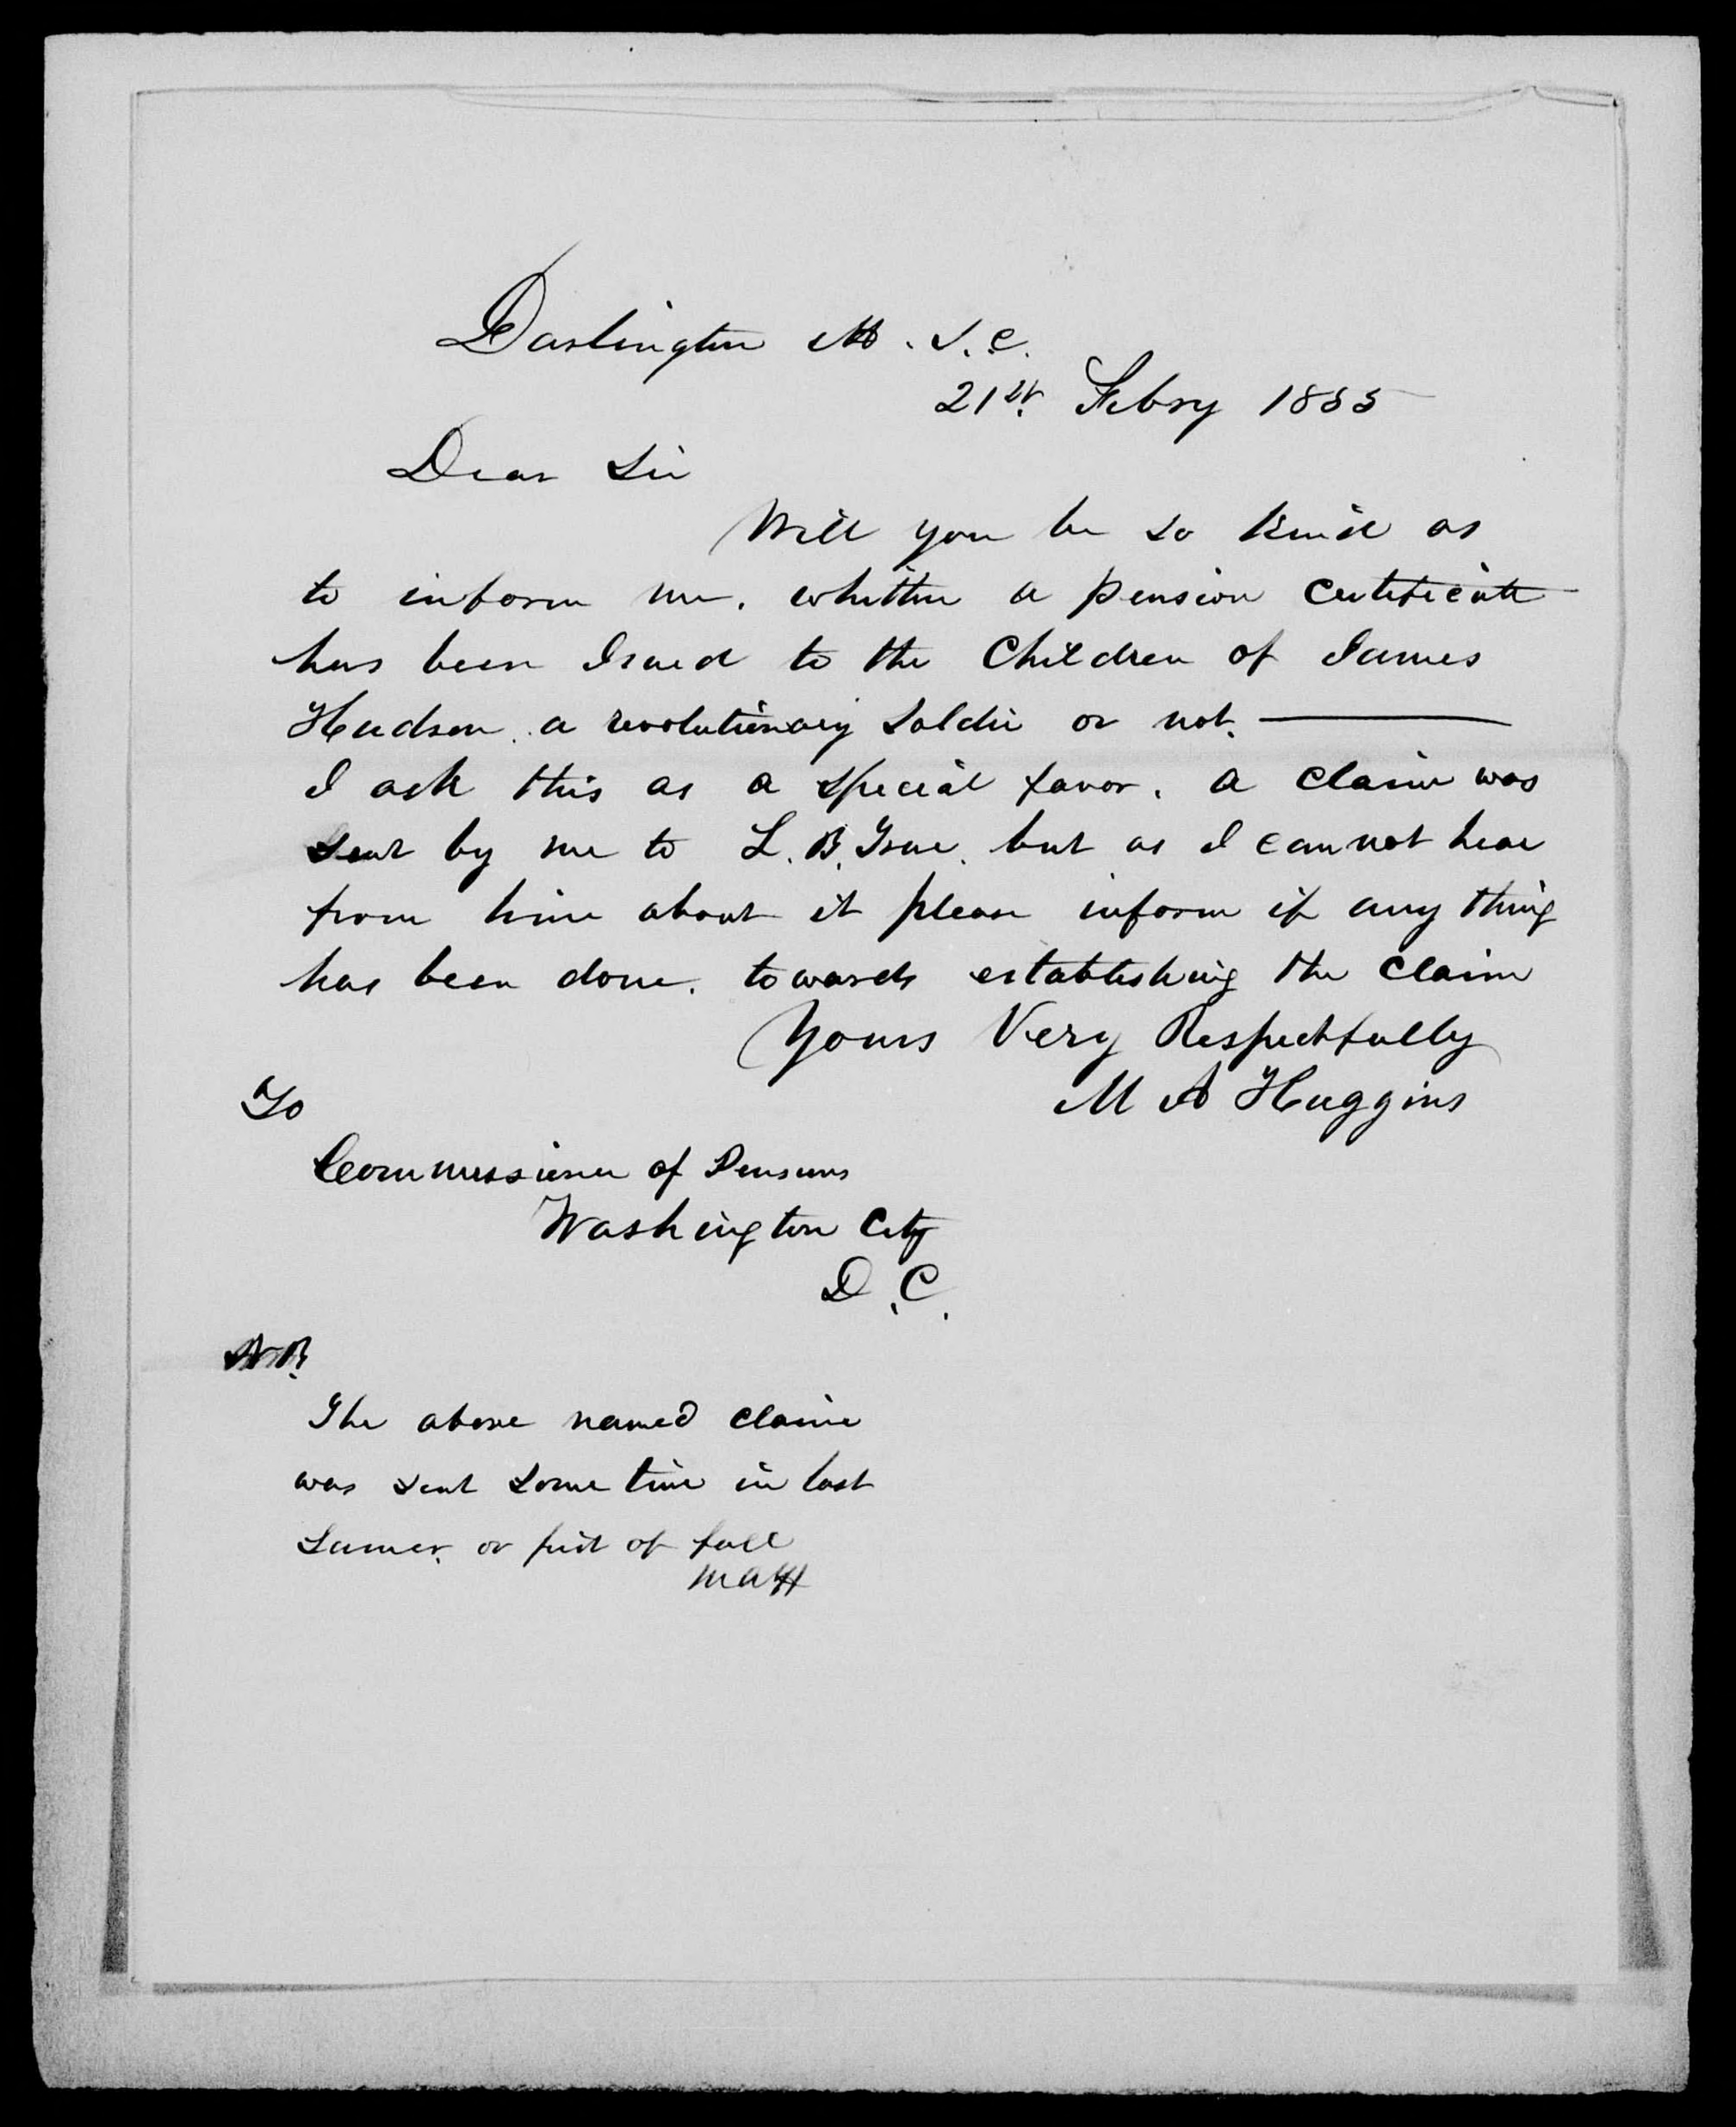Darlington S.C.
21st Febry 1888
Dear Sir
Will you be so kind as to inform me, whithin a pension certificate has been [...] to the children of James Hudson a Revolutionary soldier or not.
I ask this as a special favor, a claim was [...] by me to L. B [...], but as I cannot hear from him about it please inform if anything has been done toward establishing the claim.
Yours Very Respectfully
M. A. Huggins
To
Commissions of Pensions
Washington City D.C
The above named claim was sent some time in last summer, or first of fall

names: M A Huggins, James Hudson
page: 29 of 33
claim: rejected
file: R. 5334, James Hudson, N.C.